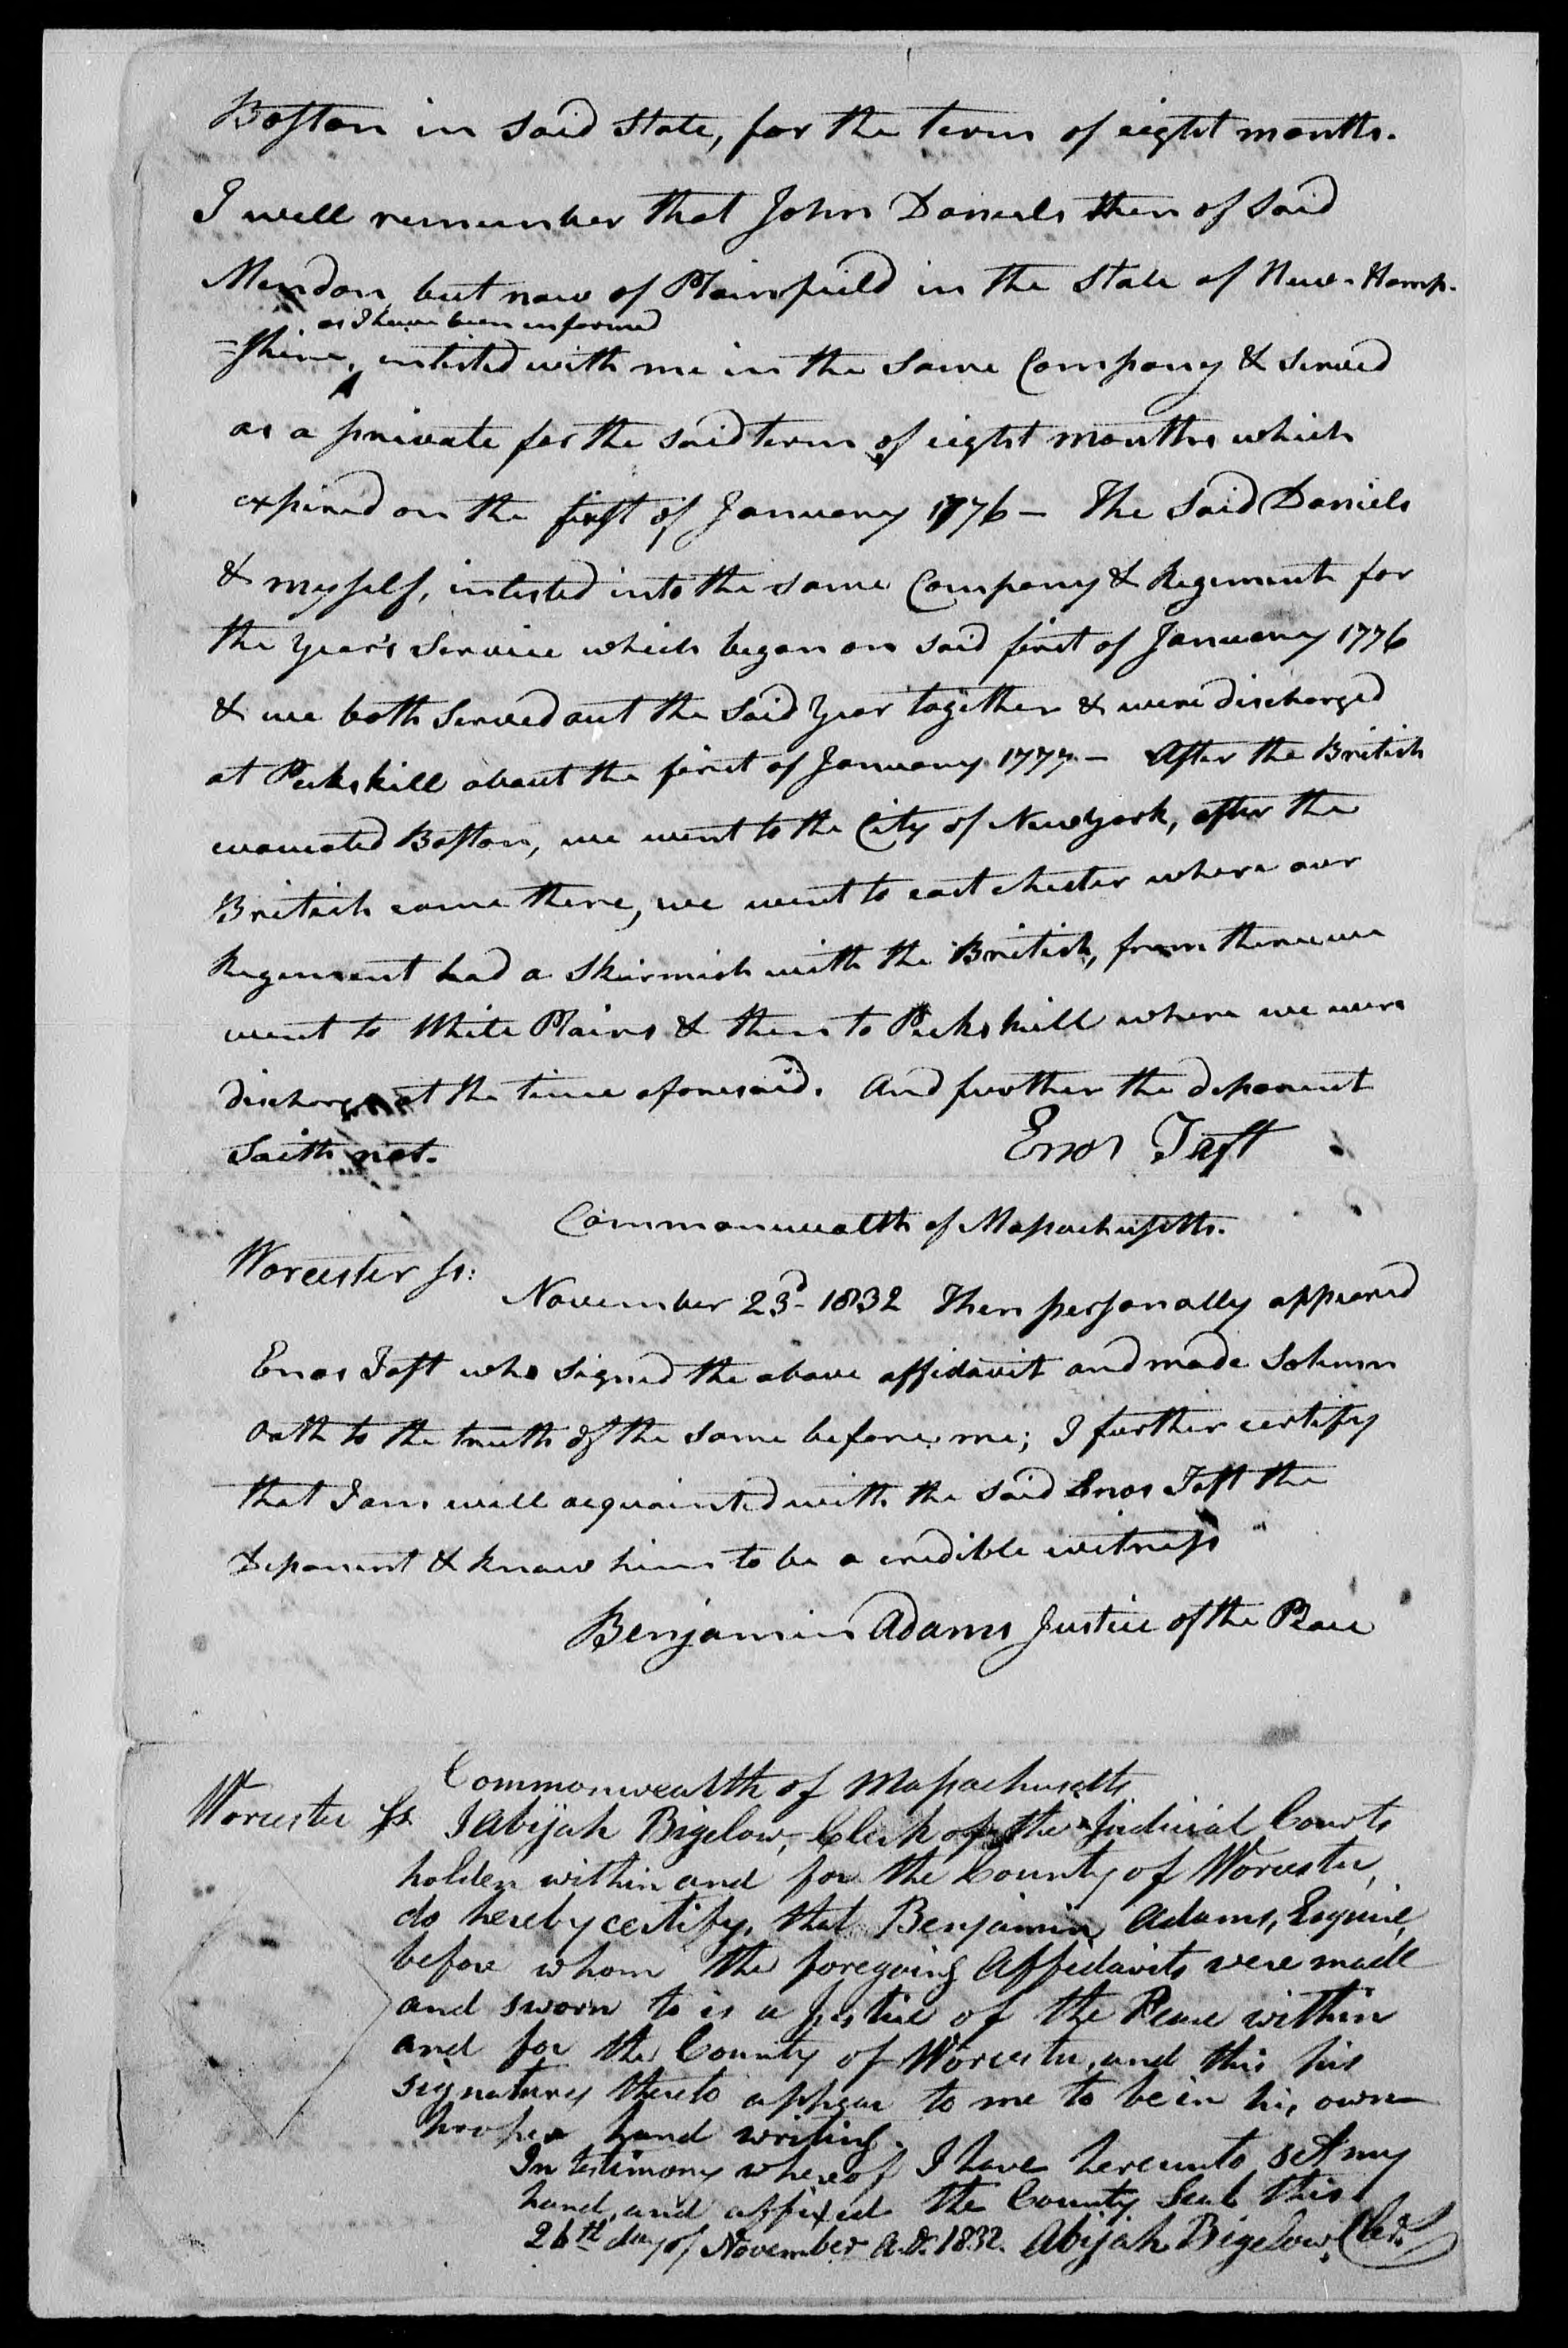Boston in said State, for the term of eight months
I well remember that John Daniels then of said
Mendon but now of Plainfield in the State of New Hampshire
as I have been informed, enlisted with me in the same Company & served
as a private for the said term of eight months which
expired on the first of January 1776 - The said Daniels
& myself, enlisted into the same Company & Regiment for
the year's service which began on said first of January 1776
& we both served out the said year together & were discharged
at Peekskill about the first of January 1777 - After the British
evacuated Boston, we went to the City of New York, after the
British came there, we went to east chester where our
Regiment had a skirmish with the British, from thence we
went to White Plains & there to Peekskill where we were
discharged at the time aforesaid.  And further the deponent
saith not.
Enos Taft

Worcester ss:
Commonwealth of Massachusetts.
November 23, 1832 Then personally appeared
Enos Taft who signed the above affidavit and made Solemn
oath to the truth of the same before me; I further certify
that I am well acquainted with the said Enos Taft the
Deponent & know him to be a credible witness.
Benjamin Adams Justice of the Peace

Worcester ss
Commonwealth of Massachusetts
I Abijah Bigelow, Clerk of the Judicial Courts
holder within and for the County of Worcester,
do hereby certify that Benjamin Adams, Esquire,
before whom the foregoing affidavits were made
and sworn to is a justice of the Peace within
and for the County of Worcester, and this his
signature thereto appear to me to be in his own
proper hand writing.
In testimony whereof I have hereunto set my
hand and affixed the County Seal this
26th day of November A.D. 1832. Abijah Bigelow Clerk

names: Enos Taft, Abijah Bigelow, Benjamin Adams, John Daniels, Benjamin Adams, Daniels, Enos Taft, Abijah Bigelow, Enos Taft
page: 25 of 43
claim: widow's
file: W 683, John Daniels, Continental Mass. N.H.